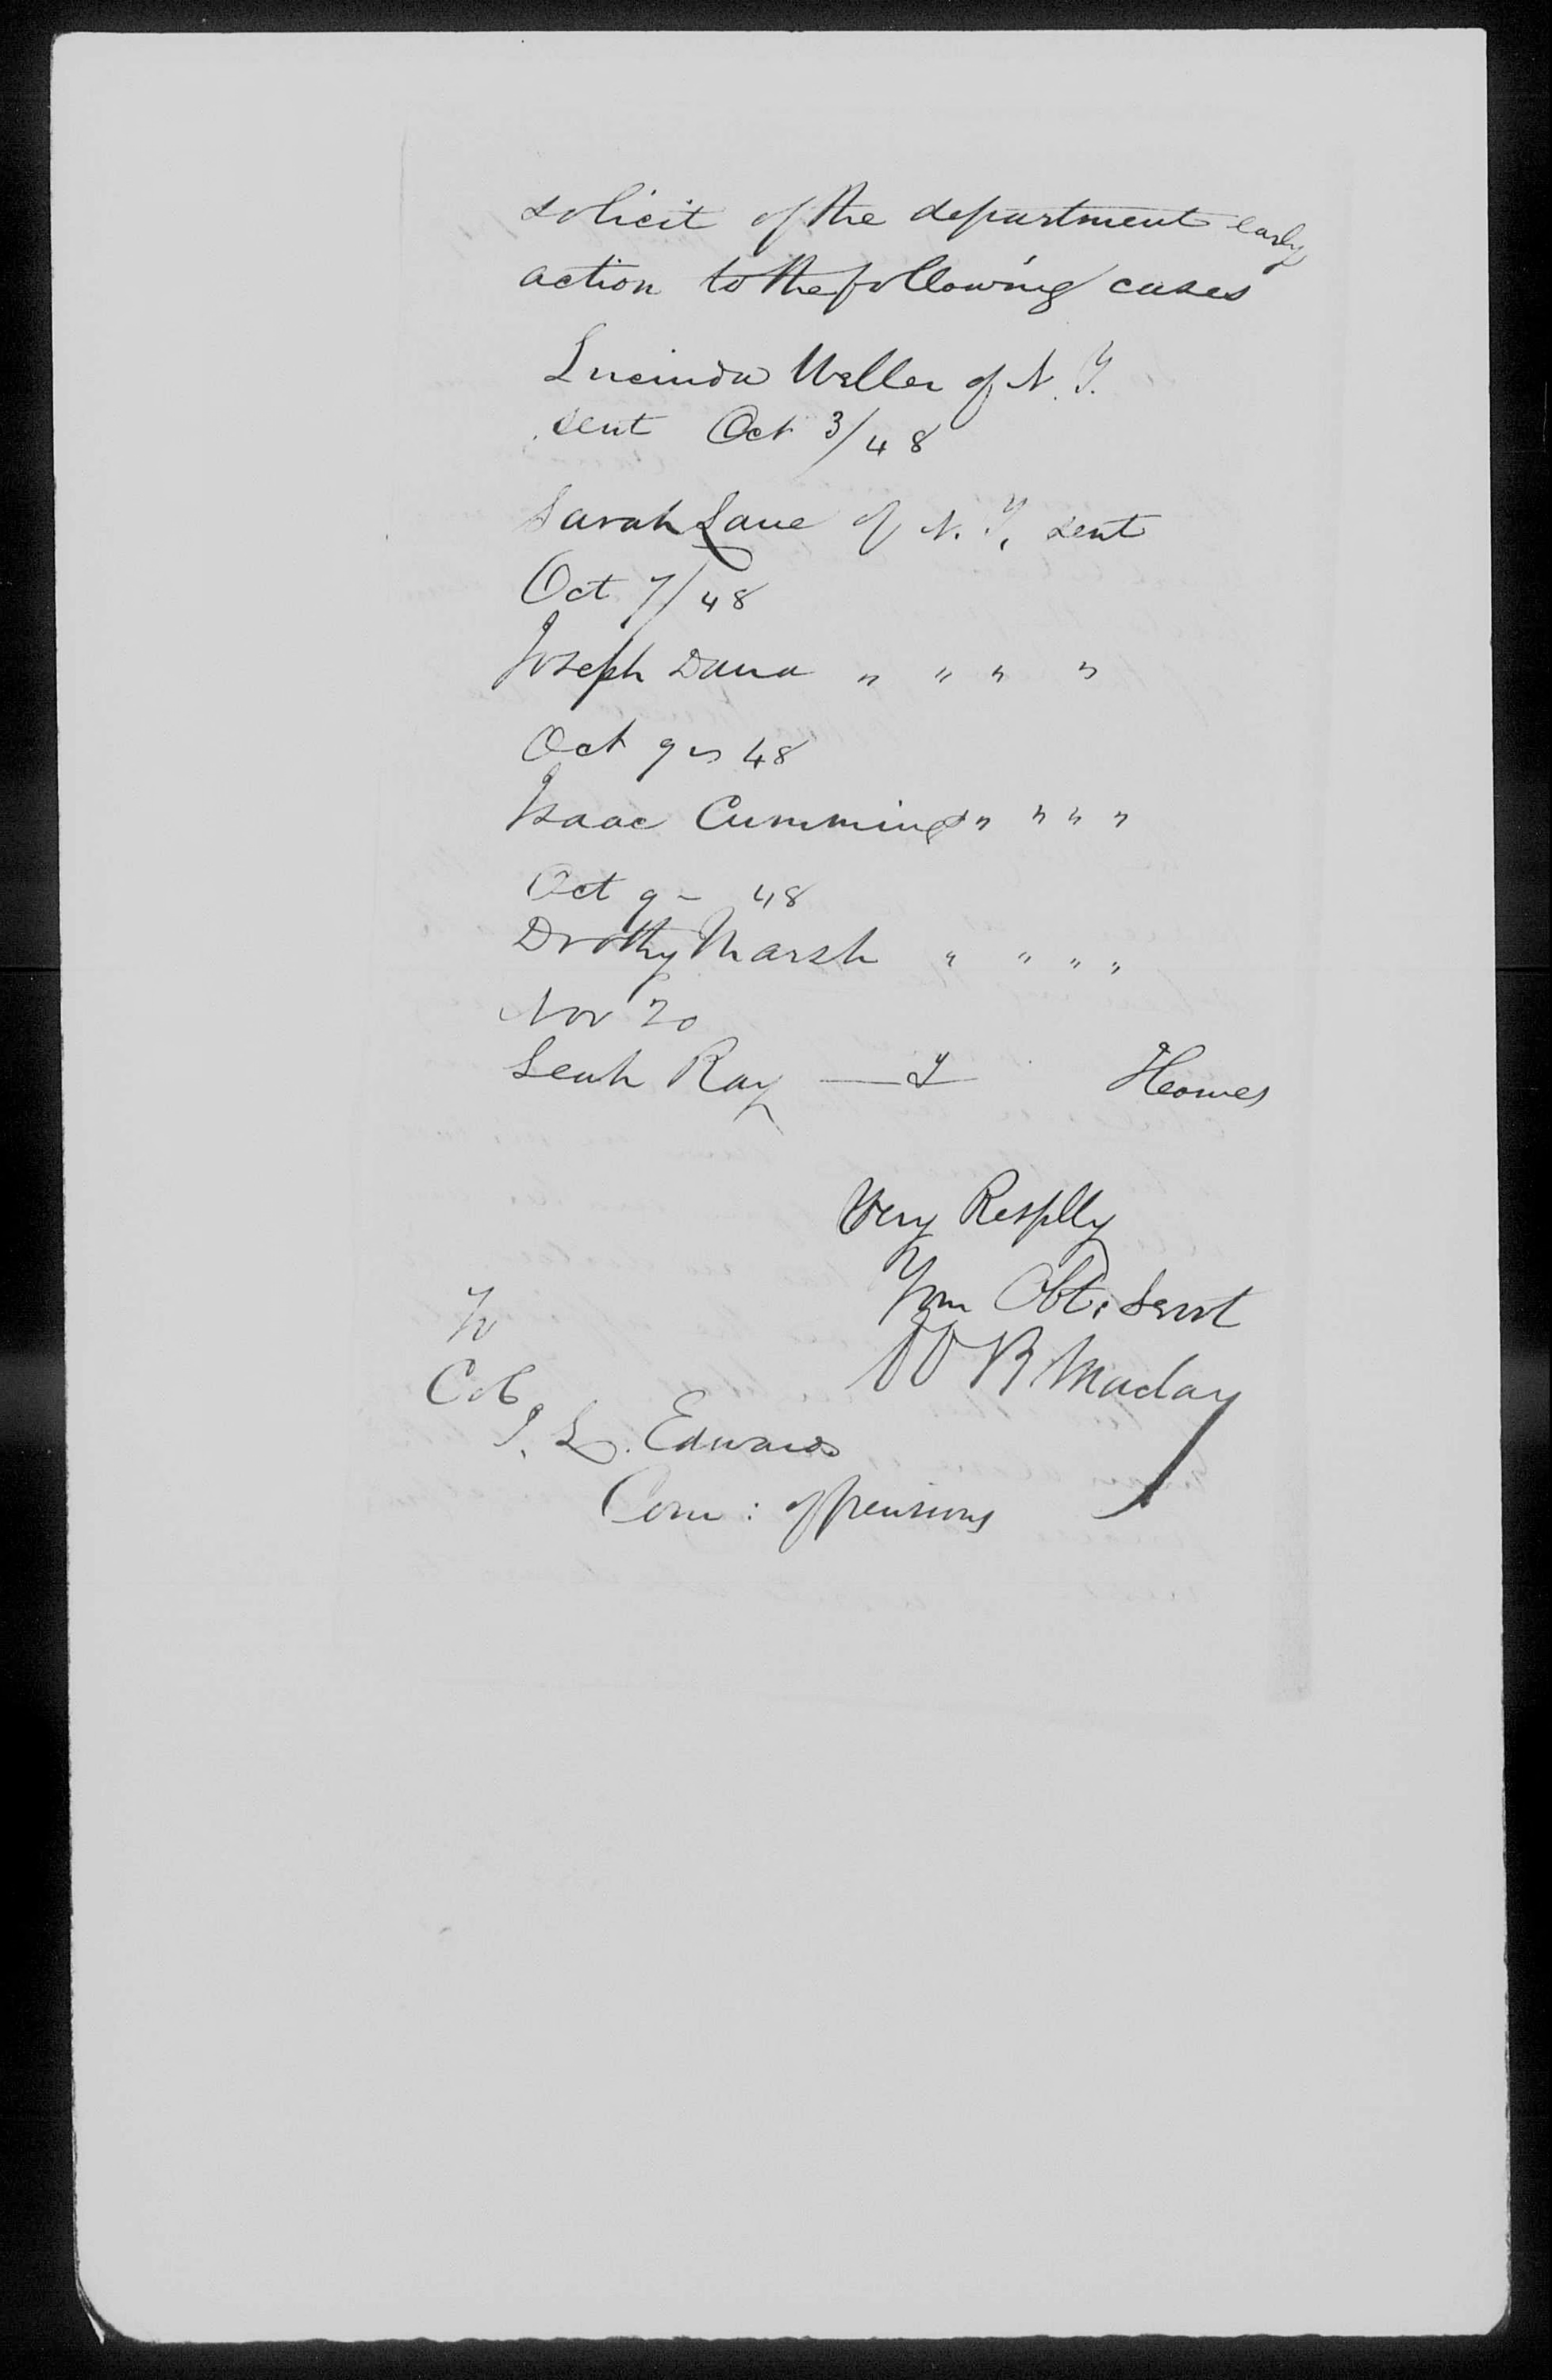solicit of the department early action to the following cases

Lucinda Weller of N. Y.
sent Oct 3/48

Sara Lane of N. Y. sent 
Oct 7/48

Joseph Dana " " " "
Oct 9~ 48

Isaac Cummings " " " "
Oct 9 - 48

Drothy Marsh " " " "
Nov 20

Leah Ray [illegible] Homes

Very Resptly
Your Obt; Servt
W B Maclay

To
Col J. L. Edwards
Com: of pensions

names: J L Edwards, W B Maclay, Joseph Dana, Lucinda Weller, Isaac Cummings, Drothy Marsh, Leah Ray, Sarah Lane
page: 11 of 106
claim: survivor's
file: S 23,116., Joshua Benedict, Conn.